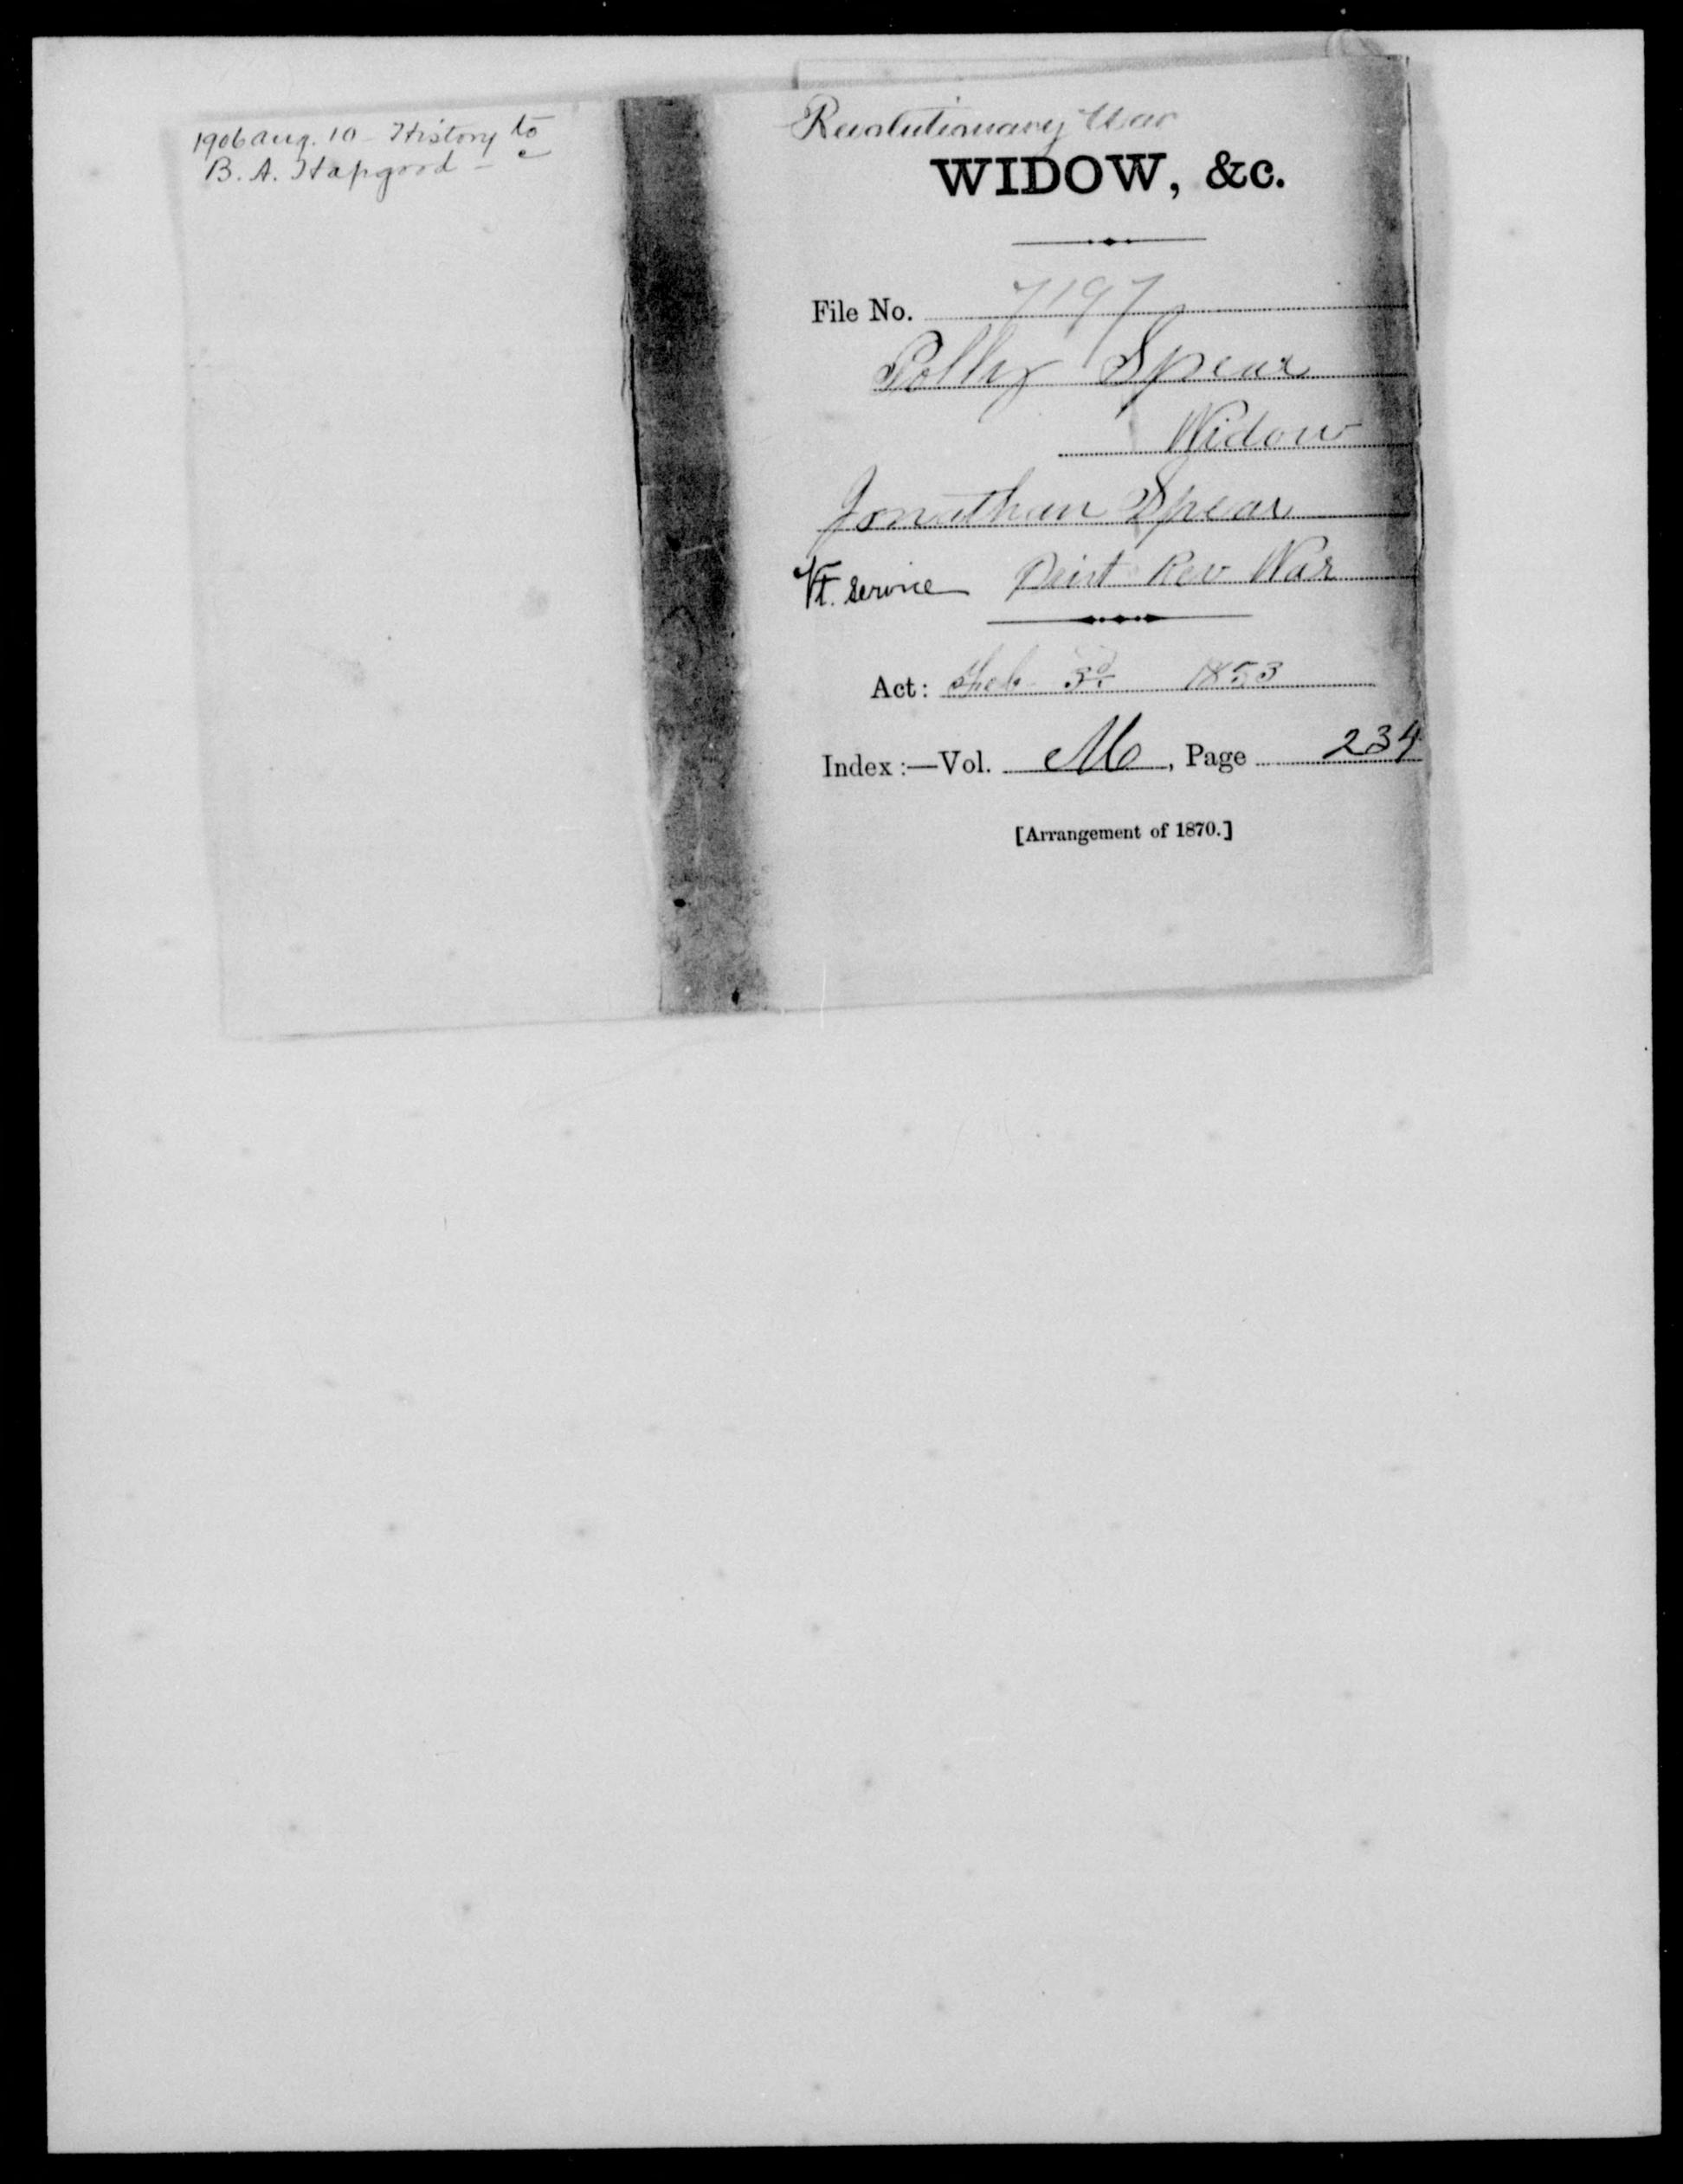1906 Aug. 10 History to
B.A. Hapgood
Revolutionary War
WIDOW, &c.
File No. 7197
Polly Spear 
Widow
Jonathan Spear
Vt. Service Privt Rev War
Act: Feb 3d 1853
Index: -- Vol. M, Page 234
{Arrangement of 1870.}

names: Polly Spear; B A Hopgood; Jonathan Spear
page: 64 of 65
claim: widow's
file: W. 7197, for Jonathan Spear, Vermont